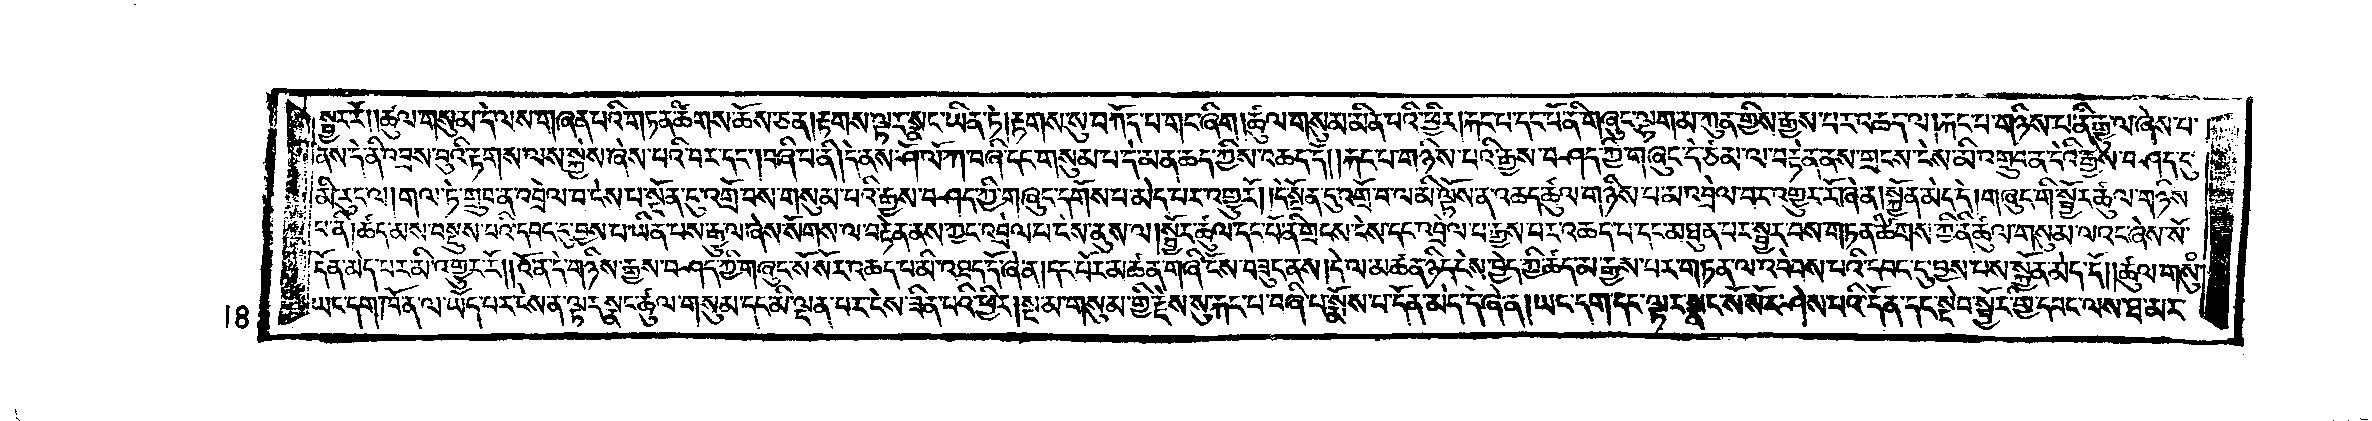སྦྱར་རོ། །ཚུལ་གསུམ་དེ་ལས་གཞན་པའི་གཏན་ཚིགས་ཆོས་ཅན། རྟགས་ལྟར་སྣང་ཡིན་ཏེ། རྟགས་སུ་བཀོད་པ་གང་ཞིག ། ཚུལ་གསུམ་མིན་པའི་ཕྱིར། རྐང་པ་དང་པོ་ནི་གཞུང་ལྷག་མ་ཀུན་གྱིས་རྒྱས་པར་འཆད་ལ། རྐང་པ་གཉིས་པ་ནི་རྒྱུ་ལ་ཞེས་ད་
ནས་དེ་ནི་འབྲས་བུའི་རྟགས་ལས་སྐྱེས་ཞེས་པའི་བར་དང་། བཞི་པ་ནི། དེ་ནས་ཤོ་ལོ་ཀ་བཞི་དང་གསུམ་པ་དེ་མན་ཆད་ཀྱིས་འཆད་དོ། །རྐང་པ་གཉིས་པའི་རྒྱས་བཤད་ཀྱི་གཞུང་དེ་ཙམ་ལ་བརྟེན་ནས་གྲངས་ངེས་མི་འགྲུབ་ན་དེའི་རྒྱས་བཤད་དུ་
མི་རུང་ལ། གལ་ཏེ་གྲུབ་ན་འབྲེལ་བ་ངེས་པ་སྔོན་དུ་འགྲོ་བས་གསུམ་པའི་རྒྱས་བཤད་ཀྱི་གཞུང་དགོས་པ་མེད་པར་འགྱུར་རོ། །དེ་སྔོན་དུ་འགྲོ་བ་ལ་མི་ལྟོས་ན་འཆད་ཚུལ་གཉིས་པ་མ་འབྲེལ་བར་འགྱུར་རོ་ཞེ་ན། སྐྱོན་མེད་དེ། གཞུང་གི་སྦྱོར་ཚུལ་གཉིས་
པ་ནི། ཚད་མས་བསྡུས་པའི་དབང་དུ་བྱས་པ་ཡིན་པས་རྒྱུ་ལ་ཞེས་སོགས་ལ་བརྟེན་ནས་ཀྱང་འབྲེལ་པ་ངེས་ནུས་ལ། སྦྱོར་ཚུལ་དང་པོ་ནི་གྲངས་ངེས་དང་འབྲེལ་པ་རྒྱས་པར་འཆད་པ་དང་མཐུན་པར་སྦྱར་བས་གཏན་ཚིགས་ཀྱི་ནི་ཚུལ་གསུམ་ལའང་ཞེས་སོ་
དོན་མེད་པར་མི་འགྱུར་རོ། །འོ་ན་དེ་གཉིས་རྒྱས་བཤད་ཀྱི་གཞུང་སོ་སོར་འཆད་པ་མི་འཐད་དོ་ཞེ་ན། དང་པོར་མཚན་གཞི་ངོས་བཟུང་ནས། དེ་ལ་མཚན་ཉིད་ངེས་བྱེད་ཀྱི་ཚད་མ་རྒྱས་པར་གཏན་ལ་འབེབས་པའི་དབང་དུ་བྱས་པས་སྐྱོན་མེད་དོ། །ཚུལ་གསུམ་
ཡང་དག་ཁོ་ན་ལ་ཡོད་པར་ངེས་ན་ལྟར་སྣང་ཚུལ་གསུམ་དང་མི་ལྡན་པར་ངེས་ཟིན་པའི་ཕྱིར། སྔ་མ་གསུམ་གྱི་རྗེས་སུ་རྐང་པ་བཞི་པ་སྨོས་པ་དོན་མེད་དེ་ཞེ་ན། ཡང་དག་དང་ལྟར་སྣང་སོ་སོར་ཤེས་པའི་དོན་དང་སྡེབ་སྦྱོར་གྱི་དབང་ལས་ཐ་མར་